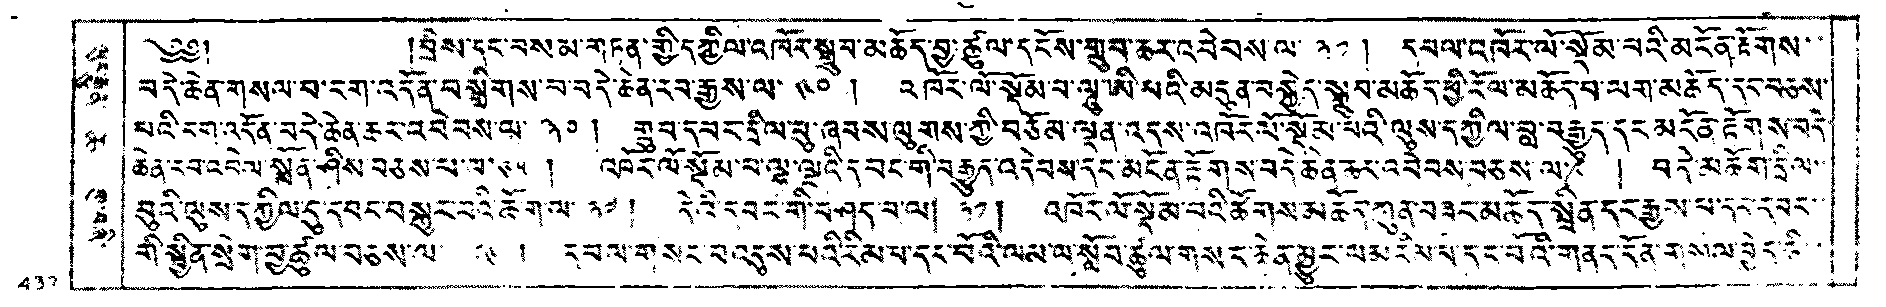༄༅། །བྲིས་དང་བསམ་གཏན་གྱི་དཀྱིལ་འཁོར་སྒྲུབ་མཆོད་བྱ་ཚུལ་དངོས་གྲུབ་ཆར་འབེབས་ལ ༢༡། དཔལ་འཁོར་ལོ་སྡོམ་པའི་མངོན་རྟོགས་
བདེ་ཆེན་གསལ་བ་ངག་དོན་བསྒྲིགས་པ་བདེ་ཆེན་རབ་རྒྱས་ལ ༤༠། འཁོར་ལོ་སྡོམ་པ་ལཱུ་ཨི་པའི་མདུན་བསྐྱེད་སྒྲུབ་མཆོད་ཕྱི་རོལ་མཆོད་པ་ལག་མཆོད་དང་བཅས་
པའི་ངག་འདོན་བདེ་ཆེན་ཆར་འབེབས་ལ ༣༠། གྲུབ་དབང་དྲིལ་བུ་ཞབས་ལུགས་ཀྱི་བཅོམ་ལྡན་འདས་འཁོར་ལོ་སྡོམ་པའི་ལུས་དཀྱིལ་བླ་བརྒྱུད་དང་མངོན་རྟོགས་བདེ་
ཆེན་རབ་འཕེལ་སྨོན་ཤིས་བཅས་པ་ལ ༤༥། འཁོར་ལོ་སྡོམ་པ་ལྷ་ལྔའི་དབང་གི་བརྒྱུད་འདེབས་དང་མངོན་རྟོགས་བདེ་ཆེན་ཆར་འབེབས་བཅས་ལ ༩། བདེ་མཆོག་དྲིལ་
བུའི་ལུས་དཀྱིལ་དུ་དབང་བསྐུར་བའི་ཆོ་ག་ལ ༢༧། དེའི་དབང་གི་བཤད་པ་ལ ༢༡། འཁོར་ལོ་སྡོམ་པའི་ཚོགས་མཆོད་ཀུན་བཟང་མཆོད་སྤྲིན་དང་རྒྱས་པ་དང་དབང་
གི་སྦྱིན་སྲེག་བྱ་ཚུལ་བཅས་ལ ༡༤། དཔལ་གསང་བ་འདུས་པའི་རིམ་པ་དང་པོའི་ལམ་ལ་སློབ་ཚུལ་གསང་ཆེན་མྱུར་ལམ་རིམ་པ་དང་པོའི་གནད་དོན་གསལ་བྱེད་ཉི་